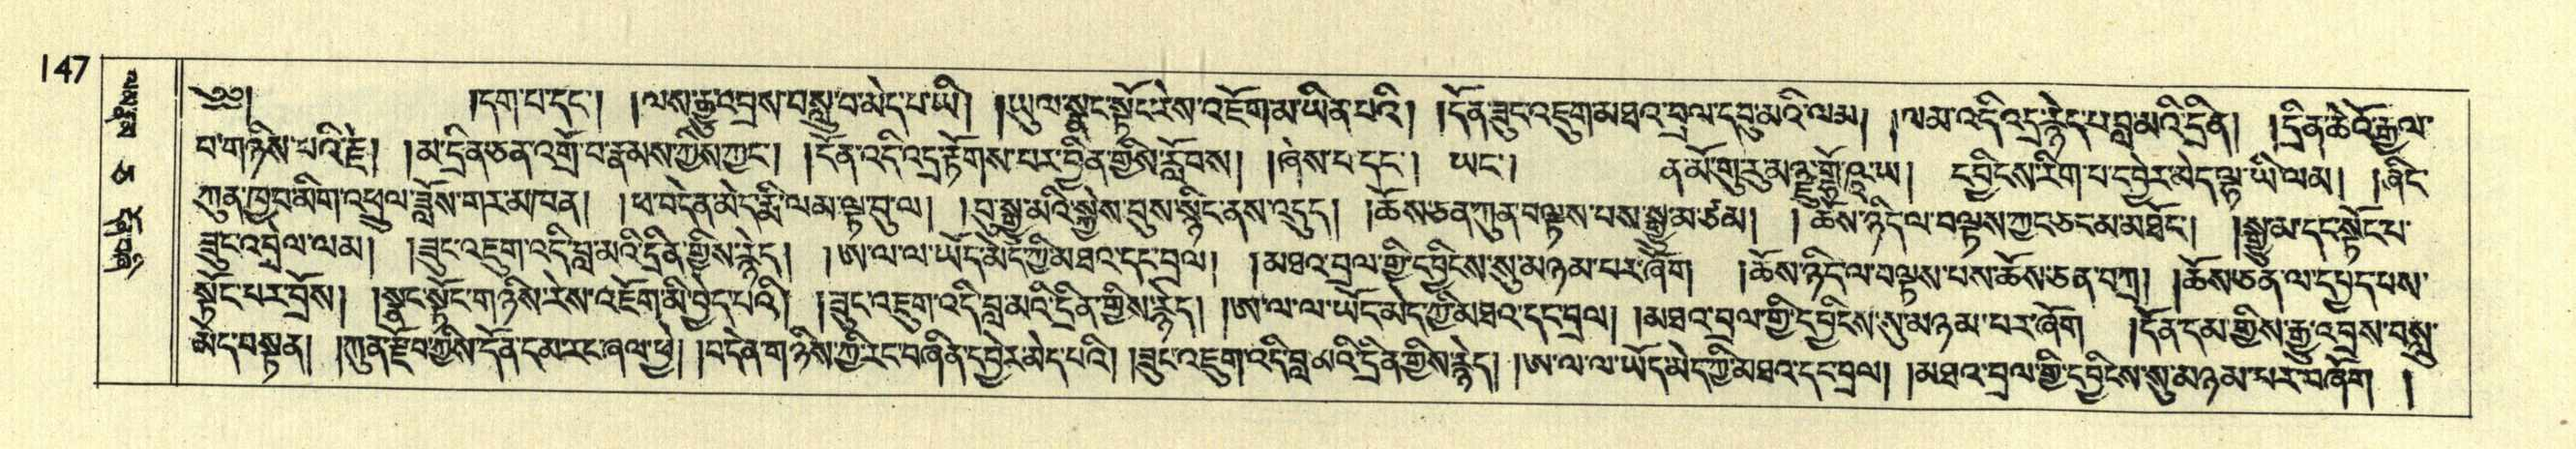༄༅། །དག་པ་དང་། །ལས་རྒྱུ་འབྲས་བསླུ་བ་མེད་པ་ཡི། །ཡུལ་སྣང་སྟོང་རེས་འཇོག་མ་ཡིན་པའི། །དོན་ཟུང་འཇུག་མཐའ་བྲལ་དབུ་མའི་ལམ། །ལམ་འདི་འདྲ་རྙེད་པ་བླ་མའི་དྲིན། །དྲིན་ཆེའོ་རྒྱལ་
པ་གཉིས་པའི་རྗེ། །མ་དྲིན་ཅན་འགྲོ་བ་རྣམས་ཀྱིས་ཀྱང་། །དོན་འདི་འདྲ་རྟོགས་པར་བྱིན་གྱིས་རློབས། །ཞེས་པ་དང་། ཡང་། ན་མོ་གུ་རུ་མཉུཛུ་གྷོ་ཥཱ་ཡ། དབྱིངས་རིག་པ་དབྱེར་མེད་ལྷ་ཡི་ལམ། །ཞིང་
ཀུན་ཁྱབ་མིག་འཕྲུལ་ཟློས་གར་མཁན། །ཕ་བདེན་མེད་རྨི་ལམ་ལྟ་བུ་ལ། །བུ་སྒྱུ་མའི་སྐྱེས་བུས་སྙིང་ནས་འདུད། །ཆོས་ཅན་ཀུན་བལྟས་པས་སྒྱུ་མ་ཙམ། །ཆོས་ཉིད་ལ་བལྟས་ཀྱང་ཅང་མ་མཐོང་། །སྒྱུ་མ་དང་སྟོང་པ་
ཟུང་འབྲེལ་ལམ། །ཟུང་འཇུག་འདི་བླ་མའི་དྲིན་གྱིས་རྙེད། །ཨ་ལ་ལ་ཡོད་མེད་ཀྱི་མཐའ་དང་བྲལ། །མཐའ་བྲལ་གྱི་དབྱིངས་སུ་མཉམ་པར་ཞོག །ཆོས་ཉིད་ལ་བལྟས་པས་ཆོས་ཅན་བཀྲ། །ཆོས་ཅན་ལ་དཔྱད་པས་
སྟོང་པར་བྲོས། །སྣང་སྟོང་གཉིས་རེས་འཇོག་མི་བྱེད་པའི། །ཟུང་འཇུག་འདི་བླ་མའི་དྲིན་གྱིས་རྙེད། །ཨ་ལ་ལ་ཡོད་མེད་ཀྱི་མཐའ་དང་བྲལ། །མཐའ་བྲལ་གྱི་དབྱིངས་སུ་མཉམ་པར་ཞོག །དོན་དམ་གྱིས་རྒྱུ་འབྲས་བསླུ་
མེད་བསྟན། །ཀུན་རྫོབ་ཀྱིས་དོན་དམ་རང་ཞལ་ཕྱེ། །བདེན་གཉིས་ཀྱི་རང་བཞིན་དབྱེར་མེད་པའི། །ཟུང་འཇུག་འདི་བླ་མའི་དྲིན་གྱིས་རྙེད། །ཨ་ལ་ལ་ཡོད་མེད་ཀྱི་མཐའ་དང་བྲལ། །མཐའ་བྲལ་གྱི་དབྱིངས་སུ་མཉམ་པར་བཞོག །